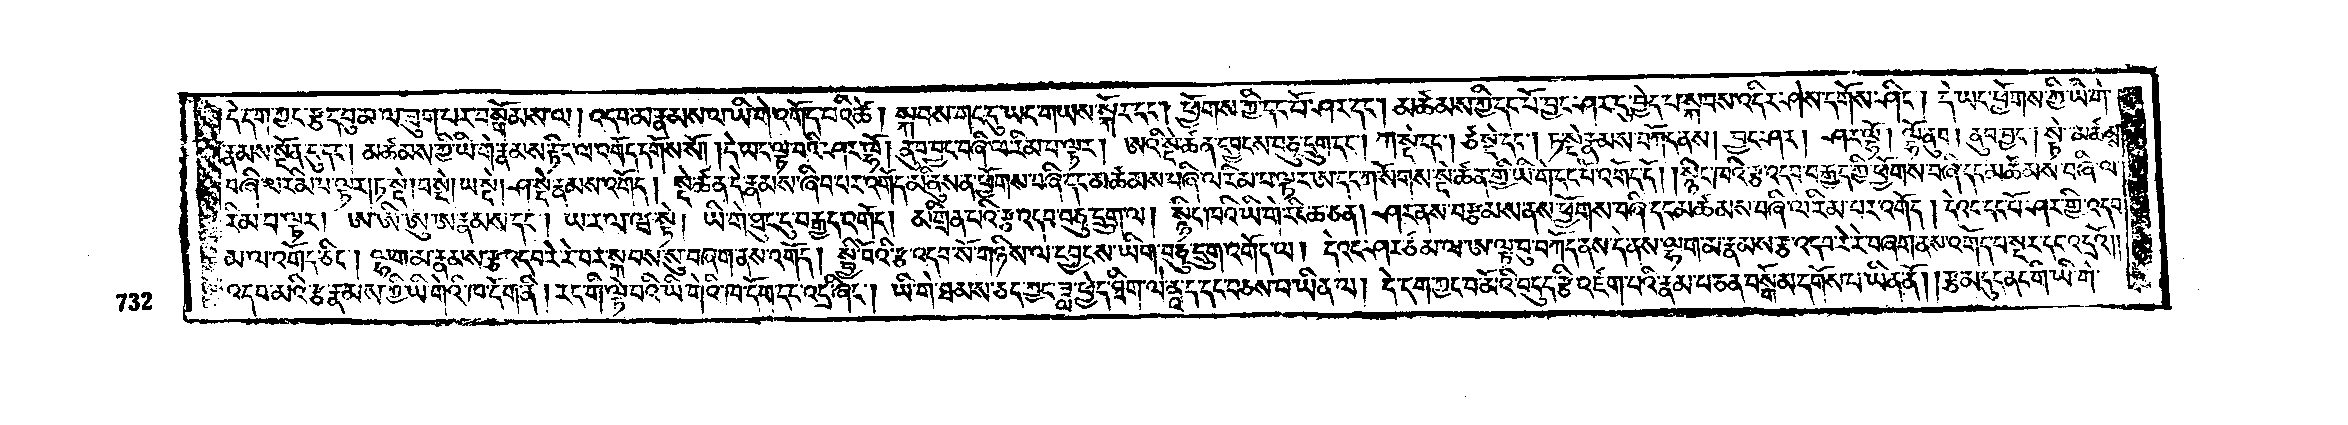དེ་དག་ཀྱང་རྩ་དབུ་མ་ལ་ཟུག་པར་བསྒོམས་ལ། འདབ་མ་རྣམས་ལ་ཡི་གེ་འགོད་པའི་ཚེ། སྐབས་གང་དུ་ཡང་གཡས་སྐོར་དང་། ཕྱོགས་ཀྱི་དང་པོ་ཤར་དང་། མཚམས་ཀྱི་དང་པོ་བྱང་ཤར་དུ་བྱེད་པ་སྐབས་འདིར་ཤེས་དགོས་ཤིང་། དེ་ཡང་ཕྱོགས་ཀྱི་ཡི་གེ་
རྣམས་སྔོན་དུ་དང་། མཚམས་ཀྱི་ཡི་གེ་རྣམས་རྟིང་ལ་འགོད་དགོས་སོ། །དེ་ཡང་ལྟ་བའི་ཤར་ལྷོ། ནུབ་བྱང་བཞི་ལ་རིམ་པ་ལྟར། ཨཱི་སྡེ་ཚན་དབྱངས་བཅུ་དྲུག་དང་། ཀ་སྡེ་དང་། ཙ་སྡེ་དང་། ཏ་སྡེ་རྣམས་བཀོད་ནས། བྱང་ཤར། ཤར་ལྷོ། ལྷོ་ནུབ། ནུབ་བྱང་། སྟེ་མཚམས་
བཞི་ལ་རིམ་པ་ལྟར། ཏ་སྡེ། པ་སྡེ། ཡ་སྡེ། ཤ་སྡེ་རྣམས་འགོད། སྔ་ཚན་དེ་རྣམས་ཞིབ་པར་འགོད་མི་ནུས་ན་ཕྱོགས་བཞི་དང་མཚམས་བཞི་ལ་རིམ་པ་ལྟར་ཨ་དང་ཀ་སོགས་སྡེ་ཚན་གྱི་ཡི་གེ་དང་པོ་འགོད་དོ། །སྙིང་ཁའི་རྩ་འདབ་བརྒྱད་ཀྱི་ཕྱོགས་བཞི་དང་མཚམས་བཞི་ལ་
རིམ་པ་ལྟར། ཨ་ཨི་ཨུ་ཨེ་རྣམས་དང་། ཡ་ར་ལ་ཝ་སྟེ། ཡི་གེ་ཐུང་ངུ་བརྒྱད་འགོད། མགྲིན་པའི་རྩ་འདབ་བཅུ་དྲུག་ལ། སྙིང་ཁའི་ཡི་གེ་རིང་ཆ་ཅན། ཤར་ནས་བརྩམས་ནས་ཕྱོགས་བཞི་དང་མཚམས་བཞི་ལ་རིམ་པར་འགོད། དེའང་དང་པོ་ཤར་གྱི་འདབ་
མ་ལ་འགོད་ཅིང་། ལྷག་མ་རྣམས་རྩ་འདབ་རེ་རེ་བར་སྐབས་སུ་བཞག་ནས་འགོད། སྤྱི་བོའི་རྩ་འདབ་སོ་གཉིས་ལ་དབྱངས་ཡིག་བཅུ་དྲུག་འགོད་ལ། དེའང་ཤར་ཙམ་ལ་ཨ་ལྟ་བུ་བཀོད་ནས་དེ་ནས་ལྷག་མ་རྣམས་རྩ་འདབ་རེ་རེ་བཞག་ནས་འགོད་པ་སྔར་དང་འདྲའོ། །
འདབ་མའི་རྩ་རྣམས་ཀྱི་ཡི་གེའི་ཁ་དོག་ནི། རང་གི་ལྟེ་བའི་ཡི་གེའི་ཁ་དོག་དང་འདྲ་ཞིང་། ཡི་གེ་ཐམས་ཅད་ཀྱང་ཟླ་ཕྱེད་ཐིག་ལེ་ནཱ་ད་དང་བཅས་པ་ཡིན་ལ། དེ་དག་ཀྱང་བ་མོའི་བདུད་རྩི་འཛག་པའི་རྣམ་པ་ཅན་བསྒོམ་དགོས་པ་ཡིན་ནོ། །རྩ་མདུད་ནང་གི་ཡི་གེ་